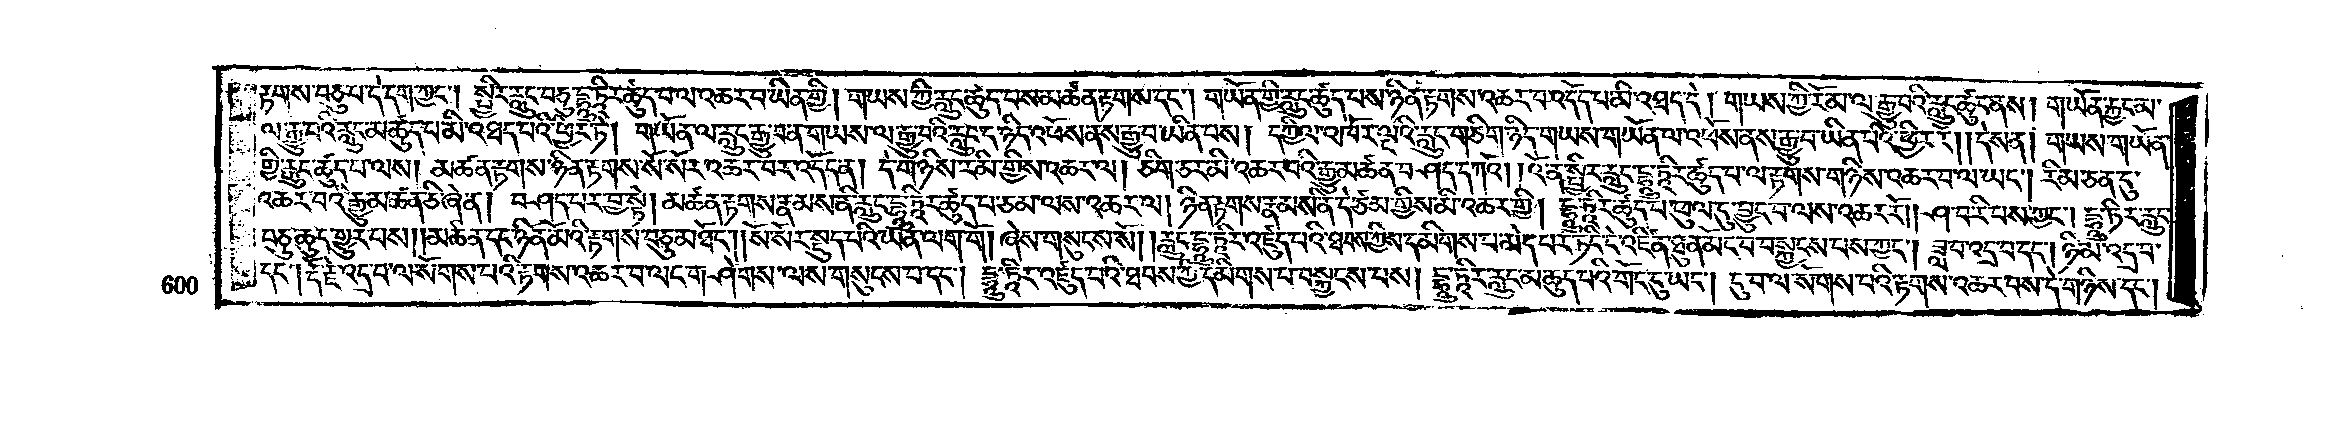རྟགས་བཅུ་པོ་དེ་དག་ཀྱང་། སྤྱིར་རླུང་བཅུ་དྷཱུ་ཏཱིར་ཚུད་པ་ལ་འཆར་བ་ཡིན་གྱི། གཡས་ཀྱི་རླུང་ཚུད་པས་མཚན་རྟགས་དང་། གཡོན་གྱི་རླུང་ཚུད་པས་ཉིན་རྟགས་འཆར་བ་འདོད་པ་མི་འཐད་དེ། གཡས་ཀྱི་རོ་མ་ལ་རྒྱུ་བའི་རླུང་ཚུད་ནས། གཡོན་རྐྱང་མ་
ལ་རྒྱུ་བའི་རླུང་མ་ཚུད་པ་མི་འཐད་པའི་ཕྱིར་ཏེ། གཡོན་ལ་རླུང་རྒྱུ་བ་ན་གཡས་ལ་རྒྱུ་བའི་རླུང་དེ་ཉིད་འཕོས་ནས་རྒྱུ་བ་ཡིན་པས། དཀྱིལ་འཁོར་ལྔའི་རླུང་གཅིག་ཉིད་གཡས་གཡོན་ལ་འཕོས་ནས་རྒྱུ་བ་ཡིན་པའི་ཕྱིར་རོ། །དེས་ན། གཡས་གཡོན་
གྱི་རླུང་ཚུད་པ་ལས། མཚན་རྟགས་ཉིན་རྟགས་སོ་སོར་འཆར་བར་འདོད་ན། དེ་གཉིས་རིམ་གྱིས་འཆར་ལ། ཅིག་ཅར་མི་འཆར་བའི་རྒྱུ་མཚན་བཤད་དཀའོ། །འོ་ན་སྤྱིར་རླུང་དྷཱུ་ཏཱིར་ཚུད་པ་ལ་རྟགས་གཉིས་འཆར་བ་ལ་ཡང་། རིམ་ཅན་དུ་
འཆར་བའི་རྒྱུ་མཚན་ཅི་ཞེ་ན། བཤད་པར་བྱ་སྟེ། མཚན་རྟགས་རྣམས་ནི་རླུང་དྷཱུ་ཏཱིར་ཚུད་པ་ཙམ་ལས་འཆར་ལ། ཉིན་རྟགས་རྣམས་ནི་དེ་ཙམ་གྱིས་མི་འཆར་གྱི། དྷཱུ་ཏཱིར་ཚུད་པ་ཕུལ་དུ་བྱུང་བ་ལས་འཆར་རོ། །ཤ་བ་རི་པས་ཀྱང་། དྷཱུ་ཏཱིར་རླུང་
བཅུ་ཆུད་གྱུར་པས། །མཚན་དང་ཉིན་མོའི་རྟགས་བཅུ་མཐོང་། །སོ་སོར་སྡུད་པའི་ཡན་ལག་གོ །ཞེས་གསུངས་སོ། །རླུང་དྷཱུ་ཏཱིར་འཛུད་པའི་ཐབས་ཀྱིས་དམིགས་པ་མེད་པར་ཏིང་ངེ་འཛིན་ཐུན་མོང་བ་བསྐྱངས་པས་ཀྱང་། ཟླ་བ་འདྲ་བ་དང་། ཉི་མོ་འདྲ་བ་
དང་། རྡོ་རྗེ་འདྲ་བ་ལ་སོགས་པའི་རྟགས་འཆར་བ་ལང་གཤེགས་ལས་གསུངས་པ་དང་། དྷཱུ་ཏཱིར་འཛུད་པའི་ཐབས་ཀྱི་དམིགས་པ་བསྐྱངས་པས། དྷཱུ་ཏཱིར་རླུང་མ་ཆུད་པའི་གོང་དུ་ཡང་། དུ་བ་ལ་སོགས་པའི་རྟགས་འཆར་བས་དེ་གཉིས་དང་།